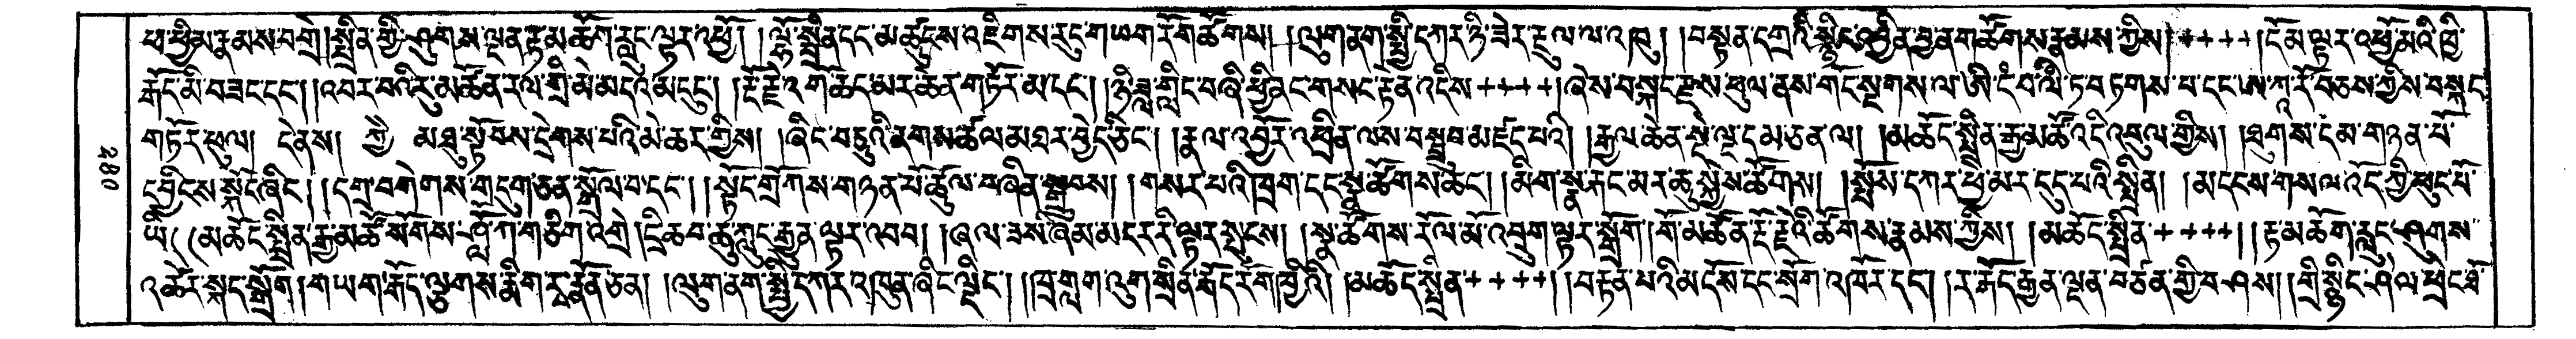པ་ཕྱི་མ་རྣམས་འགྲེ། སྤྲིན་གྱི་ཤུགས་ལྡན་རྟ་མཆོག་རླུང་ལྟར་འཕྱོ། །ལྷོ་སྤྲིན་དང་མཚུངས་འཇིགས་རུང་གཡག་རོག་ཚོགས། །ལུག་ནག་སྤྱི་དཀར་ཉི་ཟེར་རྡུལ་ལ་འཁུ། །བསྟན་དགྲའི་སྙིང་འབྱིན་བྱ་ནག་ཚོགས་རྣམས་ཀྱིས། +་+་+། དོམ་ལྟར་འཕྱོ་བའི་ཁྱི་
རྒོད་མི་བཟད་དང་། །འབར་བའི་རུ་མཚོན་རལ་གྲི་མེ་མདའ་མདུང་། །རྡོ་རྗེའི་གོ་ཆ་དམར་ཆེན་གཏོར་མ་དང་། །ཉི་ཟླ་གླིང་བཞི་ཕྱི་ནང་གསང་རྟེན་འདིས་+་+་+། ཞེས་བསྐང་རྫས་ཕུལ་ནས་གོང་སྔགས་ལ་ཨི་དཾ་བ་ལིཾ་ཏ་བཏགས་པ་དང་ཨ་ཀཱ་རོ་བཅས་ཀྱིས་བསྐང་
གཏོར་ཕུལ། དེ་ནས། ཀྱཻ༑ མཐུ་སྟོབས་དྲེགས་པའི་མེ་ཆར་གྱིས། །ཞིང་བཅུའི་ནགས་ཚལ་མཐར་བྱེད་ཅིང་། །རྣལ་འབྱོར་འཕྲིན་ལས་བསྒྲུབ་མཛད་པའི། །རྒྱལ་ཆེན་སྡེ་ལྔ་དམ་ཅན་ལ། །མཆོད་སྤྲིན་རྒྱ་མཚོ་འདི་འབུལ་གྱིས། །ཐུགས་དམ་གཉན་པོ་
དབྱིངས་སྐོང་ཞིང་། །དགྲ་བགེགས་གདུག་ཅན་སྒྲོལ་བ་དང་། །སྟོང་གྲོགས་གཉན་པོ་ཚུལ་བཞིན་སྒྲུབས། །གསར་པའི་ཁྲག་དང་སྣ་ཚོགས་ཆང་། །མིག་སྣ་རྐང་མར་ཆུ་སྐྱེས་ཚོགས། །སྤོས་དཀར་ཕྱེ་མར་དུད་པའི་སྤྲིན། །མདངས་གསལ་འོད་ཀྱི་ཕུང་པོ་
ཡི༑ ༑མཆོད་སྤྲིན་རྒྱ་མཚོ་སོགས་ཤླཽ་ཀ་གཅིག་འགྲེ། དྲི་ཆབ་ཆུ་ཀླུང་རྒྱུན་ལྟར་འབབ། །ཞལ་ཟས་ཞིམ་མངར་རི་ལྟར་སྤུངས། །སྣ་ཚོགས་རོལ་མོ་འབྲུག་ལྟར་སྒྲོག །གོ་མཚོན་རྡོ་རྗེའི་ཚོགས་རྣམས་ཀྱིས། །མཆོད་སྤྲིན་+་+་+། །རྟ་མཆོག་རླུང་ཤུགས་
འཚེར་སྐད་སྒྲོག །གཡག་རྒོད་ལྕགས་རྨིག་རྭ་རྣོན་ཅན། །ལུག་ནག་སྤྱི་དཀར་འཁུན་ཞིང་ལྡིར། །ཁྲ་གླག་འུག་སྲིན་རྒོད་རོག་ཁྱིའི། །མཆོད་སྤྲིན་+་+་+། །བརྟེན་པའི་མདོས་དང་སྲོག་འཁོར་དང་། །ར་རྒོད་རྒྱན་ལྡན་བཙན་གྱིང་ཤོས། །གྲི་སྙིང་ཤེལ་ཕྲེང་ཐོ་